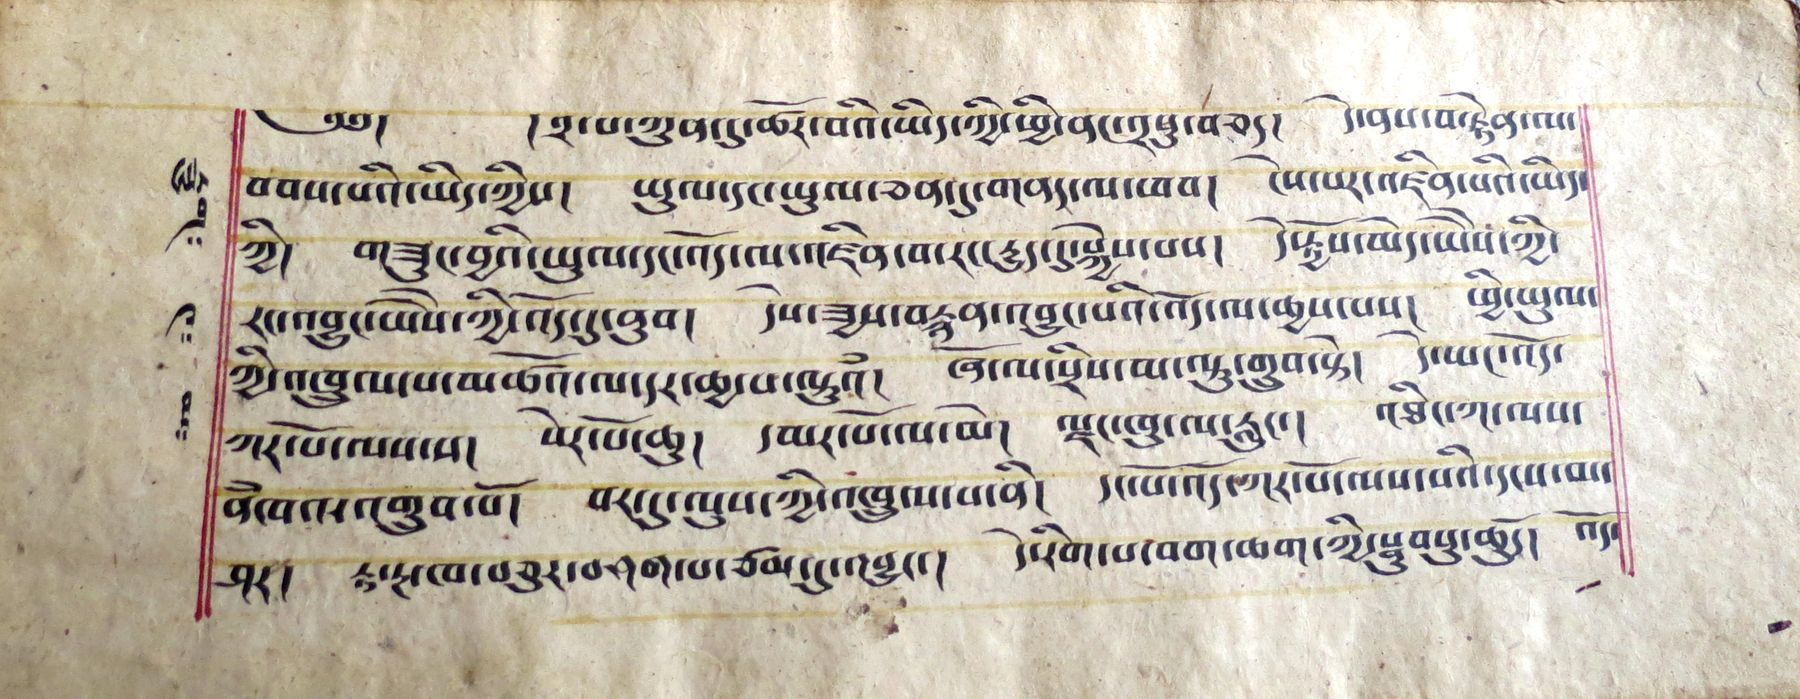གཉིས་པ་ཀུན་ཏུ་ཚོར་བའི་ཡིད་ཀྱིས་ཕྱི་ནང་གཉིས་སུ་བཅད། དེ་ནས་གཏན་ལ་
ཕབ་པའི་ཡིད་ཀྱིས་ཡུལ་དང་ཡུལ་ཅན་དུ་གནད་ལ་ཕབ། ངེས་པར་འཛིན་པའི་ཡིད་
ཀྱིས། གཟུང་བྱའི་ཡུལ་དང་འོད་ལ་འཛིན་པ་རང་རྒྱུད་དུ་སྐྱེས་པས། དེ་ལྟོས་མེད་ཡེ་ཤེས་ཀྱི་
རང་བྱུང་ཡེ་ཤེས་ཀྱི་འོད་དུ་ནུབ། དེས་གཟུགས་བརྙན་འབྱུང་བའི་འོད་ལ་ཆགས་པས། ཕྱི་ཡུལ་
གྱི་འཁྲུལ་པ། མཚོ་ལ་དར་ཆགས་པ་ལྟ་བུའམ། ཞོ་ལ་པྲིས་མ་ལྟ་བུར་གྲུབ་སྟེ། དེ་ཡང་འོད་
དཀར་པོ་ལ་ས། འོད་སེར་པོ་ལ་ཆུ། འོད་དམར་པོ་ལ་མེ། འོད་ལྗང་ཁུ་ལ་རླུང་། མཐིང་ཁ་ལས་
ནམ་མཁའ་རུ་འགྲུབ་བོ། བར་ལུས་ཀྱི་འཁྲུལ་པ་ནི། དང་པོ་འོད་དཀར་པོ་ལས་སའི་དྭངས་མ་
ཤར། རྟ་རྔ་ཁ་བཅུར་གཤགས་པ་ཙམ་དུ་འབྱུང་། དེ་རིག་པ་བག་ཆགས་ཀྱི་སྦུབས་སུ་ཚུད། འོད་